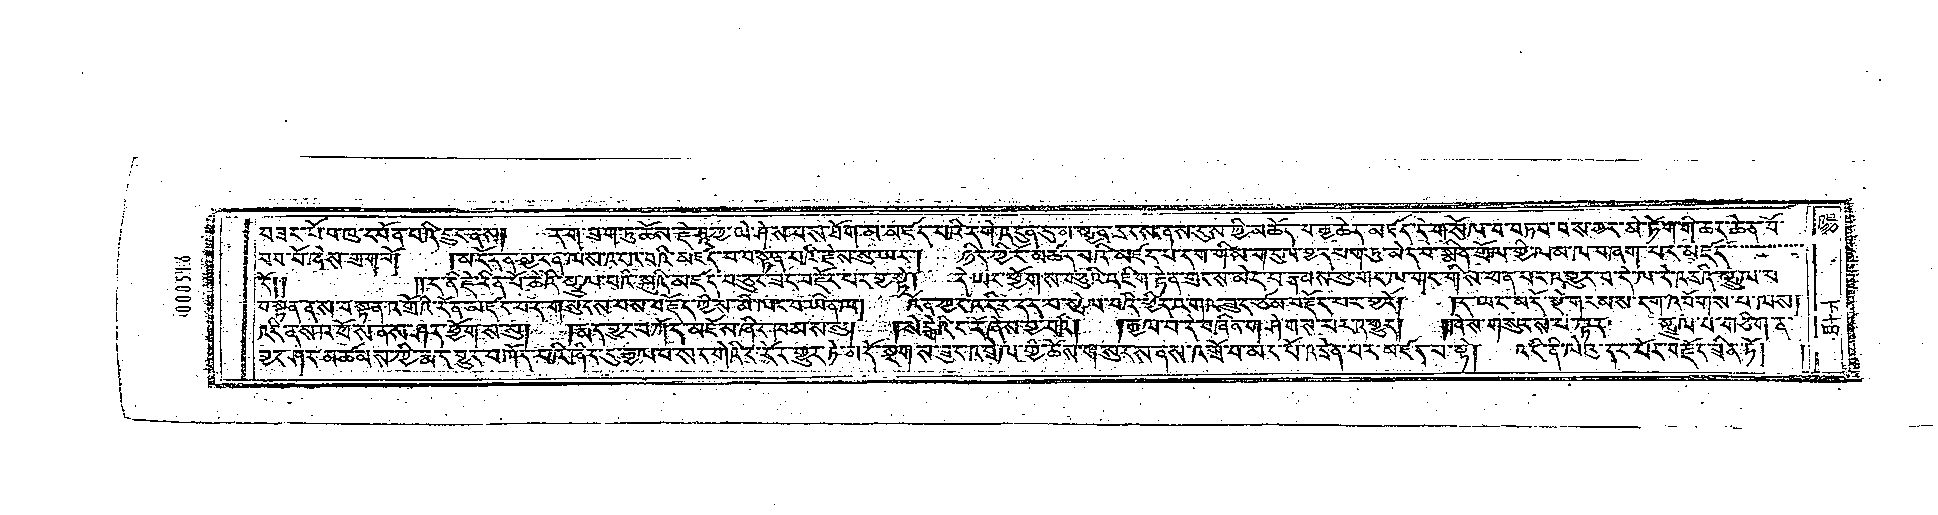བཟང་པོ་བ་ཁུ་དཔོན་པའི་དྲུང་ནས། རག་བྲག་ཏུ་ཆོས་རྗེ་ཤཱཀྱ་ཡེ་ཤེས་པས་ཐོག་མ་མཛད་པའི་དགེ་འདུན་དུ་མ་སྤྱན་དྲངས་ནས་དུས་ཀྱི་མཆོད་པ་རྒྱ་ཆེར་མཛད་དེ་གསོལ་བ་བཏབ་བས་ཀྱང་མེ་ཏོག་གི་ཆར་ཆེན་པོ་
བབ་པོ་ཞེས་གྲག་གོ །མདོར་ན་མྱ་ངན་ལས་འདའ་བའི་མཛད་པ་བསྟན་པའི་རྗེས་སུ་ཡང་། ཉིད་ཀྱི་ངོ་མཚར་བའི་མཛད་པ་དག་གིས་གཏུལ་བྱ་དཔག་ཏུ་མེད་བ་སྨིན་གྲོལ་གྱི་ལམ་ལ་བཞག་པར་མཛད་
དོ།། །།ད་ནི་རྗེ་རིན་པོ་ཆེའི་སྤྲུལ་པའི་སྐུའི་མཛད་བ་ཅུང་ཟད་བརྗོད་པར་བྱ་སྟེ། དེ་ཡང་ཕྱོགས་བཅུའི་འཇིག་རྟེན་གྲངས་མེད་པ་རྣམས་སུ་གང་ལ་གང་གིས་ཕན་པར་འགྱུར་བ་དེ་ལ་དེ་འདྲའི་སྤྲུལ་པ་
བསྟན་ནས་བསྟན་འགྲོའི་དོན་མཛད་བར་གསུངས་པས་བརྗོད་ཀྱིས་མི་ལང་བ་ཡིན་ལ། འོན་ཀྱང་འདིར་དད་པ་སྤེལ་བའི་ཕྱིར་འགའ་ཟུང་ཙམ་བརྗོད་པར་བྱའོ། །ད་ཡང་མདོ་སྡེ་གདམས་དག་འབོགས་པ་ལས།
འདི་ནས་འཕོས་ནས་ཤར་ཕྱོགས་སུ། །རྨང་བྱུང་བཀོད་མཇོས་ཞིང་ཁམས་སུ། །སེངྒེའི་ང་རོ་ཞེས་བྱ་བའི། །རྒྱལ་བ་དེ་བཞིན་གཤེགས་པར་འགྱུར། །ཞེས་གསུངས་པ་ལྟར། སྤྲུལ་པ་གཅིག་ན་
བྱང་ཤར་མཚམས་ཀྱི་རྨད་བྱུང་བཀོད་པའི་ཞིང་དུ་རྒྱལ་བ་སེང་གེའི་རོར་གྱུར་ཏེ་མདོ་སྔགས་ཟུང་འབྲེལ་གྱི་ཚེས་གསུངས་ནས་འགྲོ་བ་མང་པོ་འདྲེན་པར་མཛད་པ་སྟེ། འདི་ནི་ལེའུ་དང་པོར་བརྗོད་ཟིན་ཏོ།